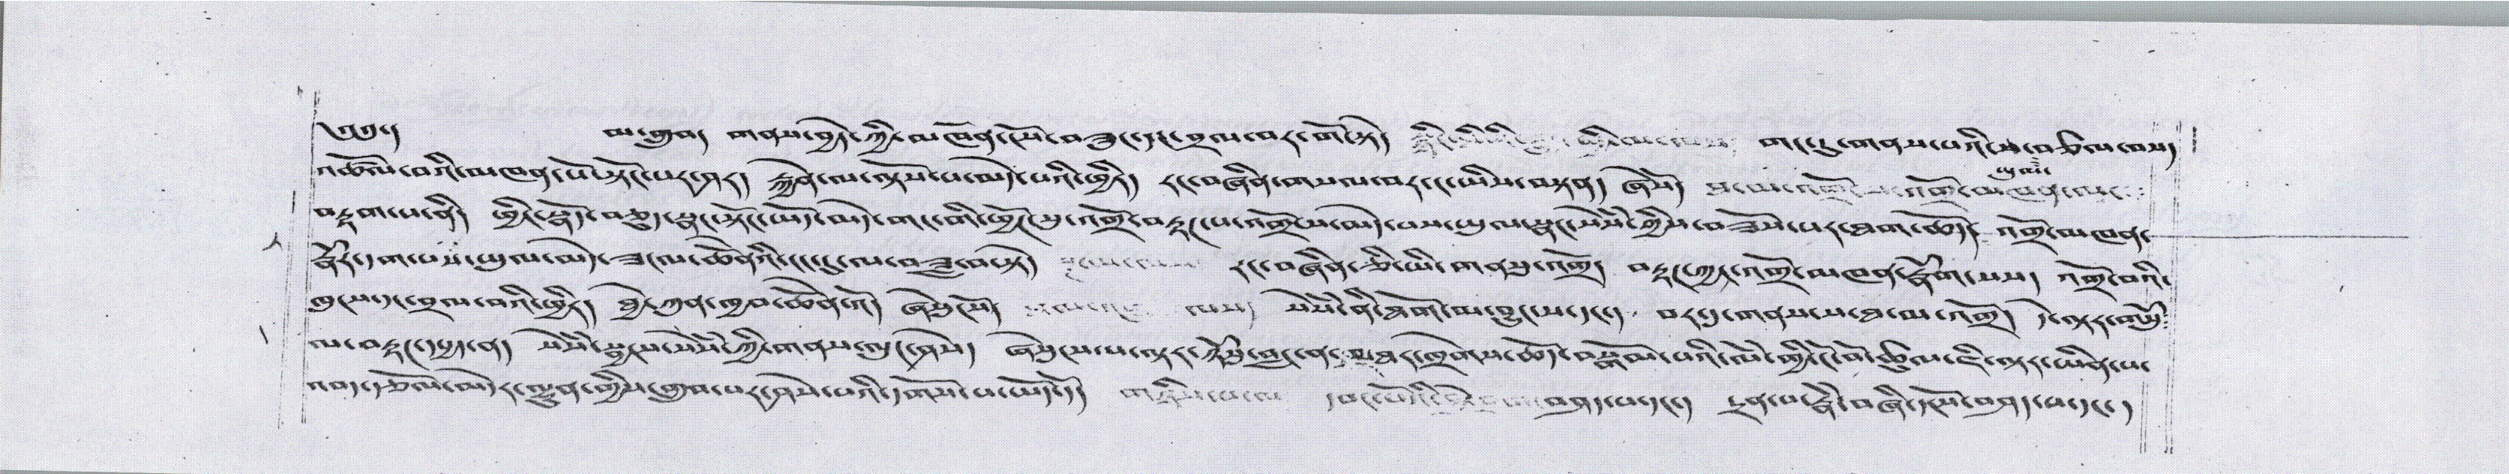མ་གྲུབ། གནས་བྱེད་ཀྱི་མཁན་པོ་ངོས་བཟུང་དང་བྲལ་བར་གོ་སྟེ། སྙིང་ཐིག་ལེ་་་་་ཕྱི་མ་ལས། གང་དུ་གནས་པའི་ཡུལ་བཙལ་བསད་
འཚོལ་བའི་མཁན་པོ་སྟོང་པར་ཤར། རྐྱེན་ལ་ལྟོས་པ་མེད་པའི་ཕྱིར། རང་བཞིན་གསལ་བར་ང་ཡིས་བསྟན། ཞེས་སོ། ཐ་མ་འགྲོ་བ་འགྲོ་མཁན་ལ་
བརྟག་པ་ནི། ཕྱི་ནང་སྣོད་བཅུད་སྣང་སྟོང་ཡོད་མེད་གང་གི་ཕྱོགས་སུ་འགྲོ་བརྟགས་པ་འགྲོ་ས་མེད་པས་ཡུལ་སྣང་སེམས་གྱིས་བཟོས་པར་ཐག་ཆོད། འགྲོ་མཁན་
རྣམ་པར་དག་པས་ཡུལ་མེད་ཟང་ཐལ་ཆེན་པོའི་ངང་དུ་ལ་བཟླ་བ་སྟེ། སྔ་མ་ལས། རང་བཞིན་ཅི་ཡི་གནས་སུ་འགྲོ། བརྟགས་ཀྱང་འགྲོ་མཁན་རྣམ་དག་པས། འགྲོ་བའི་
ཁུངས་དང་བྲལ་བའི་ཕྱིར། ཐུགས་རྗེ་ཀུན་ཁྱབ་ཆེན་པོའོ། ཞེས་གསུངས་སོ། ཐལ་འགྱུར་ལས། སེམས་ནི་ཐོག་མ་བྱུང་ས་དང། བར་དུ་གནས་ས་ཐ་མ་འགྲོ། དེ་ལྟར་གསུམ་
ལ་བརྟགས་དཔྱད་ན། སེམས་སྦྱངས་སེམས་ཀྱི་གནས་ལུགས་ཤེས། ཞེས་གསུངས་པ་ལྟར་ཉམས་སུ་བླང་ན་མཐར་ཁྲེགས་ཆོད་བསྒོམ་པའི་ལམ་གྱི་ངོ་བོ་ཚུལ་ཇི་ལྟར་ཡིན་པ་
འབད་རྩོལ་མེད་པར་ལྷུན་གྱིས་གྲུབ་པར་ཤེས་པའི་དགོས་པ་ཡོད་དོ། གཉིས་པ་ལ། དབང་པོའི་བྱེ་བྲག་བཤད་པ་དང། དྲན་པ་རྣམ་བཞི་དངོས་བཤད་པ་དང།